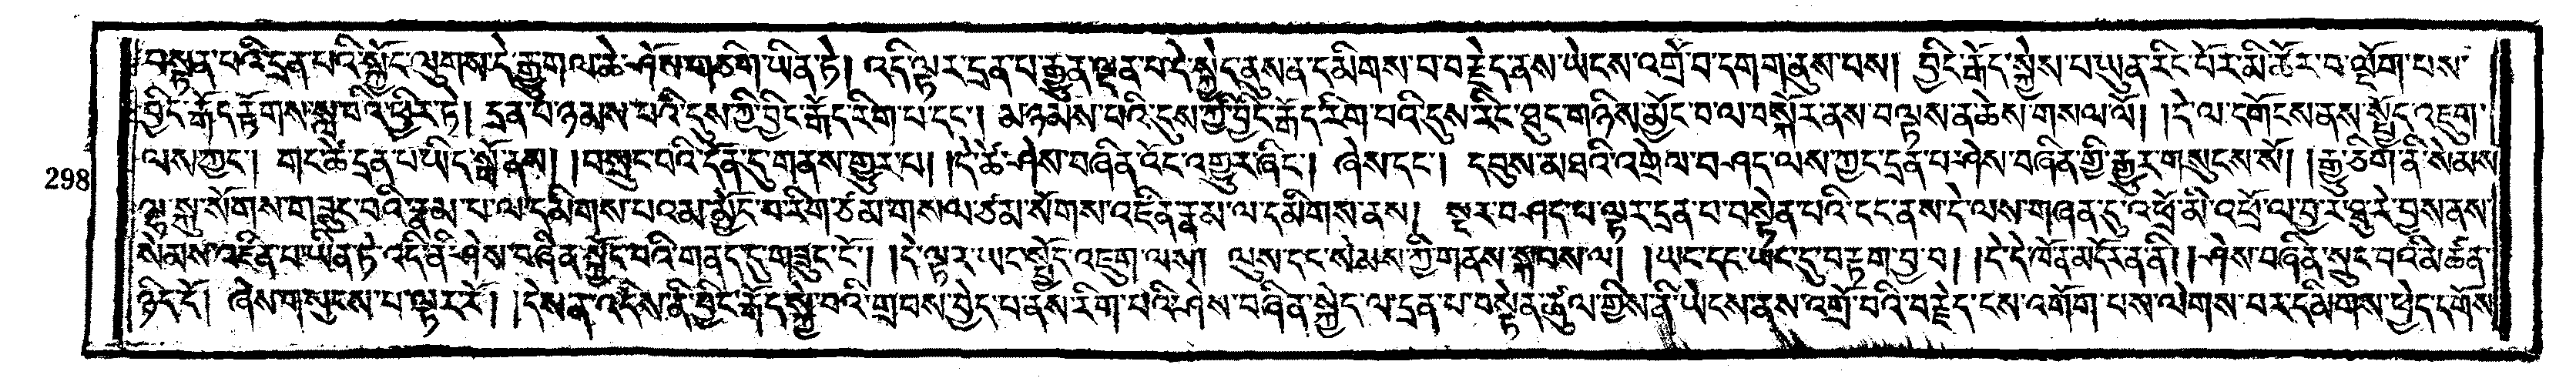བསྟན་པའི་དྲན་པའི་སྐྱོང་ལུགས་དེ་རྒྱུ་གལ་ཆེ་ཤོས་གཅིག་ཡིན་ཏེ། འདི་ལྟར་དྲན་པ་རྒྱུན་ལྡན་པ་དེ་སྐྱེད་ནུས་ན་དམིགས་པ་བརྗེད་ནས་ཡེངས་འགྲོ་བ་དགག་ནུས་པས། བྱིང་རྒོད་སྐྱེས་པ་ཡུན་རིང་པོར་མི་ཚོར་བ་ལྡོག་པས་
བྱིང་རྒོད་རྟོགས་སླ་བའི་ཕྱིར་ཏེ། དྲན་པ་ཉམས་པའི་དུས་ཀྱི་བྱིང་རྒོད་རིག་པ་དང་། མ་ཉམས་པའི་དུས་ཀྱི་བྱིང་རྒོད་རིག་པའི་དུས་རིང་ཐུང་གཉིས་མྱོང་བ་ལ་བསྐོར་ནས་བལྟས་ན་ཆེས་གསལ་ལོ། །དེ་ལ་དགོངས་ནས་སྤྱོད་འཇུག་
ལས་ཀྱང་། གང་ཚེ་དྲན་པ་ཡིད་སྒོ་ནས། །བསྲུང་བའི་དོན་དུ་གནས་གྱུར་པ། །དེ་ཚེ་ཤེས་བཞིན་འོང་འགྱུར་ཞིང་། ཞེས་དང་། དབུས་མཐའི་འགྲེལ་བཤད་ལས་ཀྱང་དྲན་པ་ཤེས་བཞིན་གྱི་རྒྱུར་གསུངས་སོ། །རྒྱུ་ཅིག་ནི་སེམས་
ལྷ་སྐུ་སོགས་གཟུང་བའི་རྣམ་པ་ལ་དམིགས་པའམ་མྱོང་བ་རིག་ཙམ་གསལ་ཙམ་སོགས་འཛིན་རྣམ་ལ་དམིགས་ནས། སྔར་བཤད་པ་ལྟར་དྲན་པ་བསྟེན་པའི་ངང་ནས་དེ་ལས་གཞན་དུ་འཕྲོ་མི་འཕྲོ་ལ་བྱ་ར་ཐུ་རེ་བྱས་ནས་
སེམས་འཛིན་པ་ཡིན་ཏེ་འདི་ནི་ཤེས་བཞིན་སྐྱོང་བའི་གནད་དུ་གཟུང་ངོ ། །དེ་ལྟར་ཡང་སྤྱོད་འཇུག་ལས། ལུས་དང་སེམས་ཀྱི་གནས་སྐབས་ལ། །ཡང་དང་ཡང་དུ་བརྟག་བྱ་བ། །དེ་དེ་ཁོ་ན་མདོར་ན་ནི། །ཤེས་བཞིན་སྲུང་བའི་མཚན་
ཉིད་དོ། །ཞེས་གསུངས་པ་ལྟར་རོ། །དེས་ན་འདིས་ནི་བྱིང་རྒོད་སྐྱེ་བའི་གྲབས་བྱེད་པ་ནས་རིག་པའི་ཤེས་བཞིན་སྐྱེད་ལ་དྲན་པ་བསེན་ཚུལ་གྱིས་ནི་ཡེངས་ནས་འགྲོ་བའི་བརྗེད་ངས་འགོག་པས་ལེགས་པར་དམིགས་ཕྱེད་དགོས་